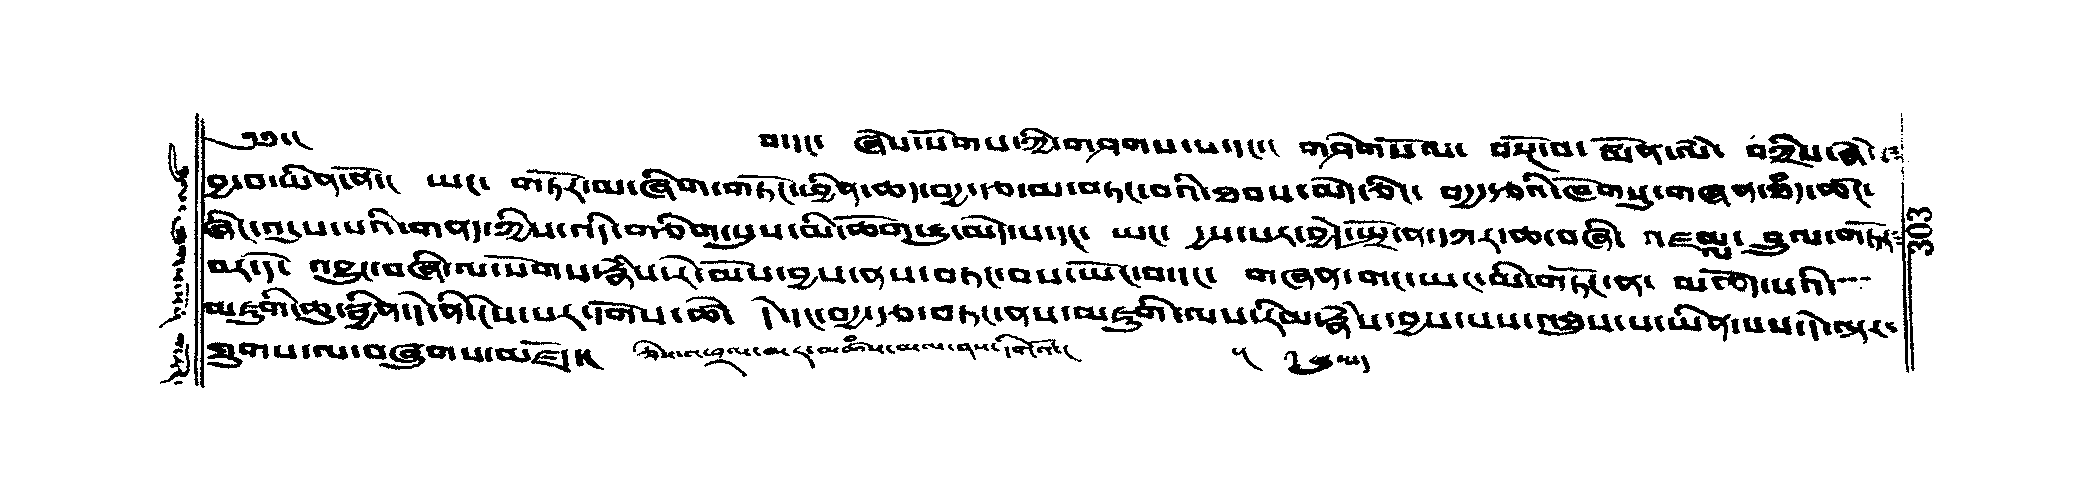བ་དང་། ཞེས་སོགས་ཀྱི་གཤགས་པ་དང་། གཤེགས་སུ་གསོལ། བསྔོ་བ། སྨོན་ལམ། བཀྲ་ཤིས་རྣམས་
བྱ་བ་ཡིན་ནོ། ཡང་གཏོར་མ་ཞིག་གཏོང་ཕྱིན་ཆད་བརྒྱ་རྩ་མ་བཏང་བའི་ཐབས་མེད་ཅིང་། བརྒྱ་རྩའི་ཁོགས་སུ་གཞན་ཐམས་ཅད་ཚང་
ཞིང་འདུས་པའི་གནད་ཀྱིས་འདི་གཅིག་པུས་མི་ཆོག་རྒྱུ་མེད་པ་དང་།ཡང་རྒྱས་པར་བྱེད་སྤྲོ་ན་དཀར་ཆ་བཞི། འཛམ་ལ། བྲུལ་གཏོར་
བར་དོ། འབྱུང་བཞི་ལ་སོགས་རྣམས་རེ་མོས་བྱས་ནས་བཏང་བས་ཡོང་བ་དང་། གཞན་གང་ཡང་མི་གཏོང་ན། མཆོད་པའི་
མཇུག་གི་ཆུ་སྦྱིན་དེ་ནི་ངེས་པར་དགོས་ཚེ། དེ་དང་བརྒྱ་རྩ་བཏང་ནས་མཇུག་གི་ལས་རིམ་རྣམས་བྱས་པས་འཐུས་པ་ཡིན་པས་དེ་ལྟར་
ཐུགས་ལ་བཞུགས་མཛོད། ཅེས་འཕྲལ་མར་མཚམས་མལ་ནས་དགེའོ།